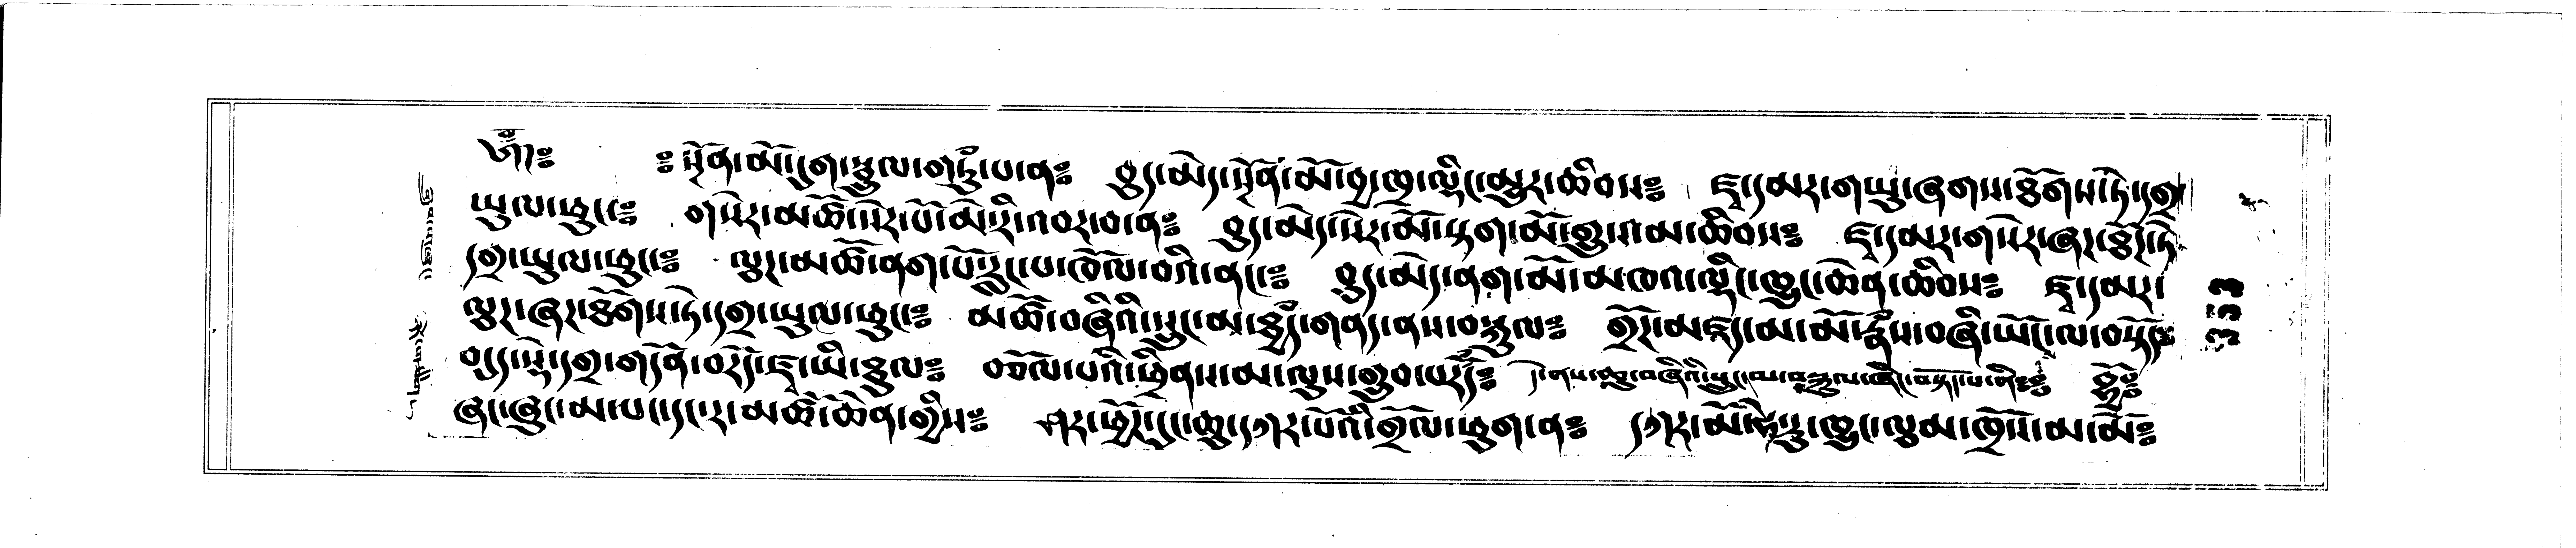༔སྔོན་མོ་དུག་སྦྲུལ་གཏུམ་པ་ན༔ བུད་མེད་སྔོན་མོ་བྱ་ཁྲ་ལྡིང་མྱུར་ཆིབས༔ ཛྭ་དམར་གཡུ་ཞགས་ཐོགས་ཏེ་དགྲ་
ཡུལ་ཕུང༔ གསེར་མཚོ་སེར་པོ་མེ་རི་འབར་བ་ན༔ བུད་མེད་སེར་མོ་སྟག་མོ་གྲུས་མ་ཆིབས༔ ཛྭ་དམར་གསེར་ཞགས་ཐོགས་ཏེ་
དགྲ་ཡུལ་ཕུང་༔ ལྕགས་མཚོ་ནག་པོ་རླངས་པ་ཁོལ་བའི་ནང་༔ བུད་མེད་ནག་མོ་མཁའ་ལྡིང་ཁྱུང་ཆེན་ཆིབས༔ ཛྭ་དམར་
ལྕགས་ཞགས་ཐོགས་ཏེ་དགྲ་ཡུལ་ཕུང་༔ མཚོ་བཞིའི་སྲུང་མ་ཐམས་ཅད་གནད་ནས་བསྐུལ༔ གྲོགས་མཛད་མ་མོ་རྣམས་བཞི་ཡོངས་ལ་བསྟོད༔ 
བདུད་སྡེ་དགྲ་གདོན་བར་ཆོད་ཛྭ་ཡིས་ཐུལ༔ བཅོལ་བའི་ཕྲིན་ལས་མ་ལུས་གྲུབ་པར་མཛོད༔ དེ་ནས་ཆུ་བཞིའི་སྲུང་མ་བསྐུལ་ཞིང་བསྟོད་པ་ནི༔༔ བྷྱོ༔ 
ཞང་ཞུང་མ་པང་དང་ར་མཚོ་ཆེན་གྱིས༔ ཤར་ཕྱོགས་དུང་ཆུ་དཀར་པོའི་གྲོལ་ཕུག་ན༔ དཀར་མོ་ཧེ་རུ་ཁྱུང་ལྕམ་ཁྲོས་མ་མོ༔